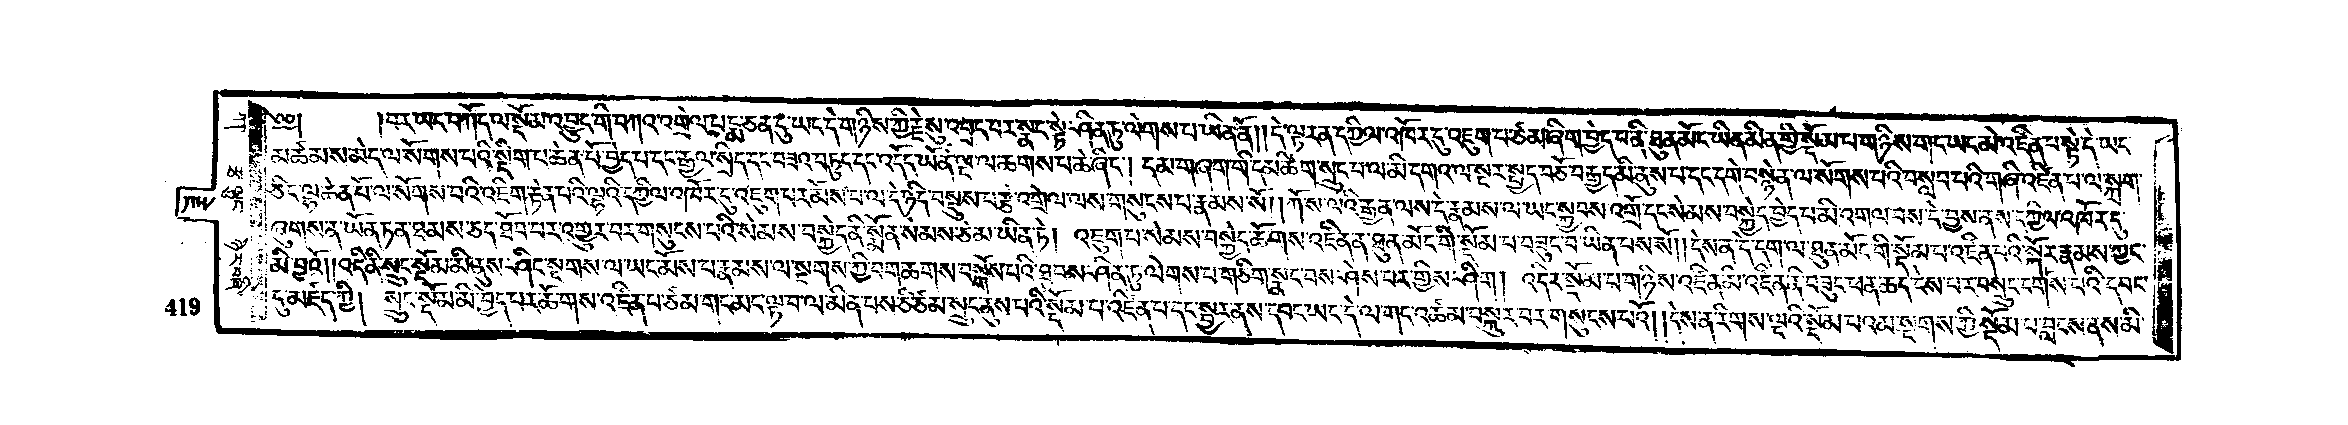༄༅། །བར་ཡང་བཀོད་ལ་སྡོམ་འབྱུང་གི་བཀའ་འགྲེལ་པདམ་ཅན་དུ་ཡང་དེ་གཉིས་ཀྱི་རྗེས་སུ་འབྲང་བར་སྣང་སྟེ་ཤིན་ཏུ་ལེགས་པ་ཡིན་ནོ། །དེ་ལྟར་ན་དཀྱིལ་འཁོར་དུ་འཇུག་པ་ཙམ་ཞིག་བྱེད་པ་ནི་ཐུན་མོང་ཡིན་མིན་གྱི་སྡོམ་པ་གཉིས་གང་ཡང་མེ་འཛིན་པ་སྟེ་དེ་ཡང་
མཚམས་མེད་ལ་སོགས་པའི་སྡིག་པ་ཆེན་པོ་བྱེད་པ་དང་རྒྱལ་སྲིད་དང་བཟའ་བཏུང་དང་འདོད་ཡོན་ལྔ་ལ་ཆགས་པ་ཆེ་ཞིང་། དམ་གཞག་གི་དམ་ཚིག་སྲུང་པ་ལ་མི་དགའ་ལ་སྔར་སྤྱད་བཅོ་བརྒྱད་མི་ནུས་པ་དང་དགེ་བསྙེན་ལ་སོགས་པའི་བསླབ་པའི་གཞི་འཛིན་པ་ལ་སྐྲག་
ཅིང་ལྷ་ཆེན་པོ་ལ་སོགས་པའི་འཇིག་རྟེན་པའི་ལྷའི་དཀྱིལ་འཁོར་དུ་འཇུག་པར་མོས་པ་ལ་དེ་ཉིད་བསྡུས་པ་རྩེ་འགྲེལ་ལས་གསུངས་པ་རྣམས་སོ། །ཀོ་ས་ལའི་རྒྱན་ལས་དེ་རྣམས་ལ་ཡང་སྐྱབས་འགྲོ་དང་སེམས་བསྐྱེད་བྱེད་པ་མི་འགལ་བས་དེ་བྱས་ནས་དཀྱིལ་འཁོར་དུ་
ཞུགས་ན་ཡོན་ཏན་ཐམས་ཅད་ཐོབ་པར་འགྱུར་བར་གསུངས་པའི་སེམས་བསྐྱེད་ནི་སྨོན་སེམས་ཙམ་ཡིན་ཏེ། འཇུག་པ་སེམས་བསྐྱེད་ཚོགས་འཛིན་ན་ཐུན་མོང་གི་སྡོམ་པ་བཟུང་བ་ཡིན་པས་སོ། །དེས་ན་དེ་དག་ལ་ཐུན་མོང་གི་སྡོམ་པ་འཛིན་པའི་སྐོར་རྣམས་ཀྱང་
མི་བྱའོ། །འདི་ནི་སྲུང་སྡོམ་མི་ནུས་ཤིང་སྔགས་ལ་ཡང་མོས་པ་རྣམས་ལ་སྔགས་ཀྱི་བག་ཆགས་བསྒོས་པའི་ཐབས་ཤིན་ཏུ་ལེགས་པ་གཅིག་སྣང་བས་ཤེས་པར་གྱིས་ཤིག། འདིར་སྡོམ་པ་གཉིས་འཛིན་མི་འཛིན་ནི་བཟུང་ཕན་ཆད་ངེས་པར་བསྲུང་དགོས་པའི་དབང་
དུ་མཛད་ཀྱི། སྲུང་སྡོམ་མི་བྱེད་པར་ཆོ་གས་འཛིན་པ་ཙམ་གང་མང་ལྟ་བ་ལ་མིན་པས་ཅི་ཙམ་སྲུང་ནུས་པའི་སྡོམ་པ་འཛིན་པ་དང་སྦྱར་ནས་དབང་ཡང་དེ་ལ་གང་འཚམ་བསྐུར་བར་གསུངས་པའོ། །དེས་ན་རིགས་ལྔའི་སྡོམ་པའམ་སྔགས་ཀྱི་སྡོམ་པ་བླངས་ནས་མི་